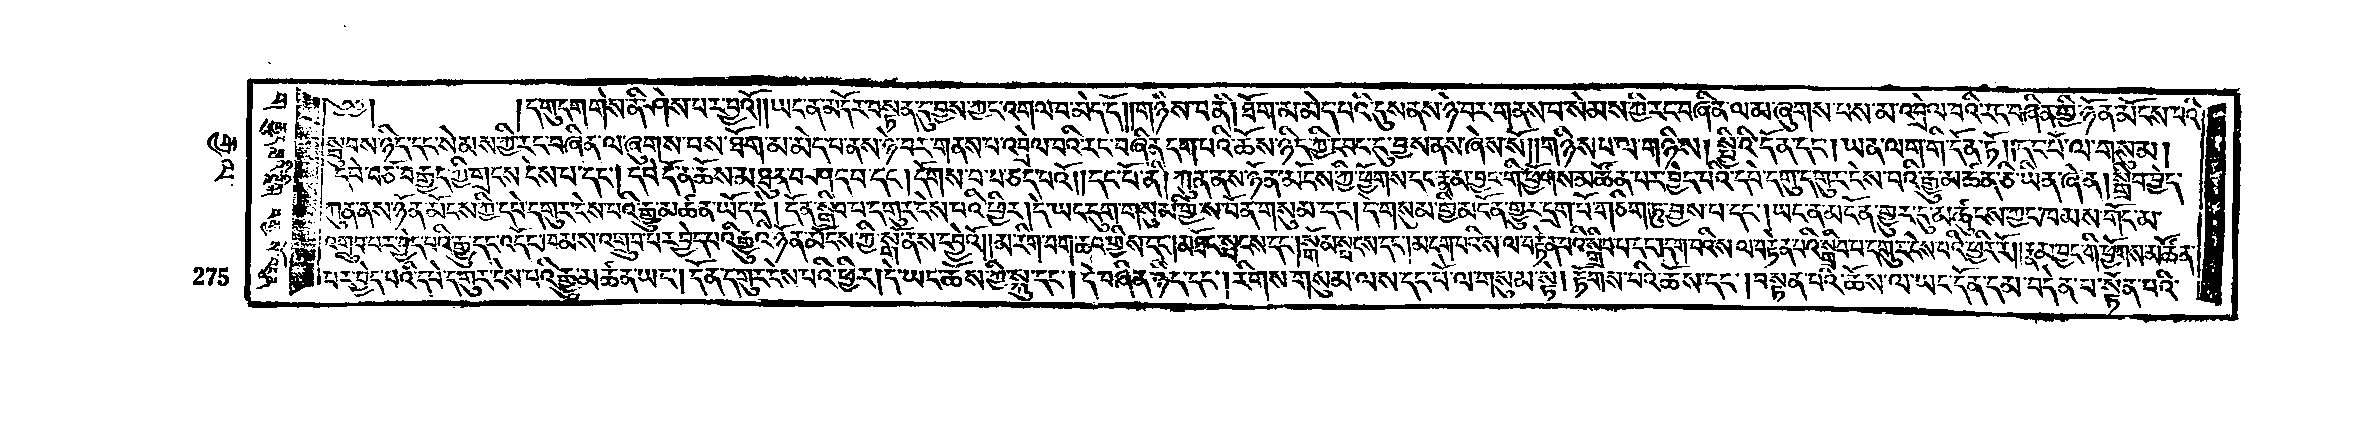༄༅། །དགུ་དག་གེས་ནི་ཤེས་པར་བྱའོ། །ཡང་ན་མདོར་བསྟན་དུ་བྱས་ཀྱང་འགལ་བ་མེད་དོ། །གཉིས་པ་ནི། ཐོག་མ་མེད་པའི་དུས་ནས་ཉེ་བར་གནས་པ་སེམས་ཀྱི་རང་བཞིན་ལ་མ་ཞུགས་པས་མ་འབྲེལ་པའི་རང་བཞིན་གྱི་ཉོན་མོངས་པའི་
སྦུབས་ཉིད་དང་སེམས་ཀྱི་རང་བཞིན་ལ་ཞུགས་པས་ཐོག་མ་མེད་པ་ནས་ཉེ་བར་གནས་པ་འབྲེལ་བའི་རང་བཞིན་དག་པའི་ཆོས་ཉིད་ཀྱི་དབང་དུ་བྱས་ནས་ཞེས་སོ། །གཉིས་པ་ལ་གཉིས། སྤྱིའི་དོན་དང་། ཡན་ལག་གི་དོན་ཏོ། །དང་པོ་ལ་གསུམ།
དཔེ་བཅོ་བརྒྱད་ཀྱི་གྲངས་ངེས་པ་དང་། དཔེ་དོན་ཆོས་མཐུན་བཤད་པ་དང་། དོགས་པ་བཅད་པའོ། །དང་པོ་ནི། ཀུན་ནས་ཉོན་མོངས་ཀྱི་ཕྱོགས་དང་རྣམ་བྱང་གྱི་ཕྱོགས་མཚོན་པར་བྱེད་པའི་དཔེ་དགུ་དགུར་ངེས་པའི་རྒྱུ་མཚན་ཅི་ཡིན་ཞེ་ན། སྒྲིབ་བྱེད་
ཀུན་ནས་ཉོན་མོངས་ཀྱི་དཔེ་དགུར་ངེས་པའི་རྒྱུ་མཚན་ཡོད་དེ། དོན་སྒྲིབ་པ་དགུར་ངེས་པའི་ཕྱིར། དེ་ཡང་དུག་གསུམ་གྱི་ས་བོན་གསུམ་དང་། དེ་གསུམ་གྱི་མངོན་གྱུར་དྲག་པོ་གཅིག་ཏུ་བྱས་པ་དང་། ཡང་ན་མངོན་གྱུར་དུ་མཚུངས་ཀྱང་ཁམས་གོང་མ་
འགྲུབ་པར་བྱེད་པའི་རྒྱུ་དང་འདོད་ཁམས་འགྲུབ་པར་བྱེད་པའི་རྒྱུའི་ཉོན་མོངས་ཀྱི་སྒོ་ནས་དབྱེའོ། །མ་རིག་བག་ཆབ་གྱིས་དང་། མཐོང་སྤངས་དང་། སྒོམ་སྤངས་དང་། མ་དག་པའི་ས་ལ་བརྟེན་པའི་སྒྲིབ་པ་དང་། དག་པའི་ས་ལ་བརྟེན་པའི་སྒྲིབ་པ་དགུར་ངེས་པའི་ཕྱིར་རོ། །རྣམ་བྱང་གི་ཕྱོགས་མཚོན་
པར་བྱེད་པའི་དཔེ་དགུར་ངེས་པའི་རྒྱུ་མཚན་ཡང་། དོན་དགུར་ངེས་པའི་ཕྱིར། དེ་ཡང་ཆོས་ཀྱི་སྐུ་དང་། དེ་བཞིན་ཉིད་དང་། རིགས་གསུམ་ལས་དང་པོ་ལ་གསུམ་སྟེ། རྟོགས་པའི་ཆོས་དང་། བསྟན་པའི་ཆོས་ལ་ཡང་དོན་དམ་བདེན་པ་སྟོན་པའི་